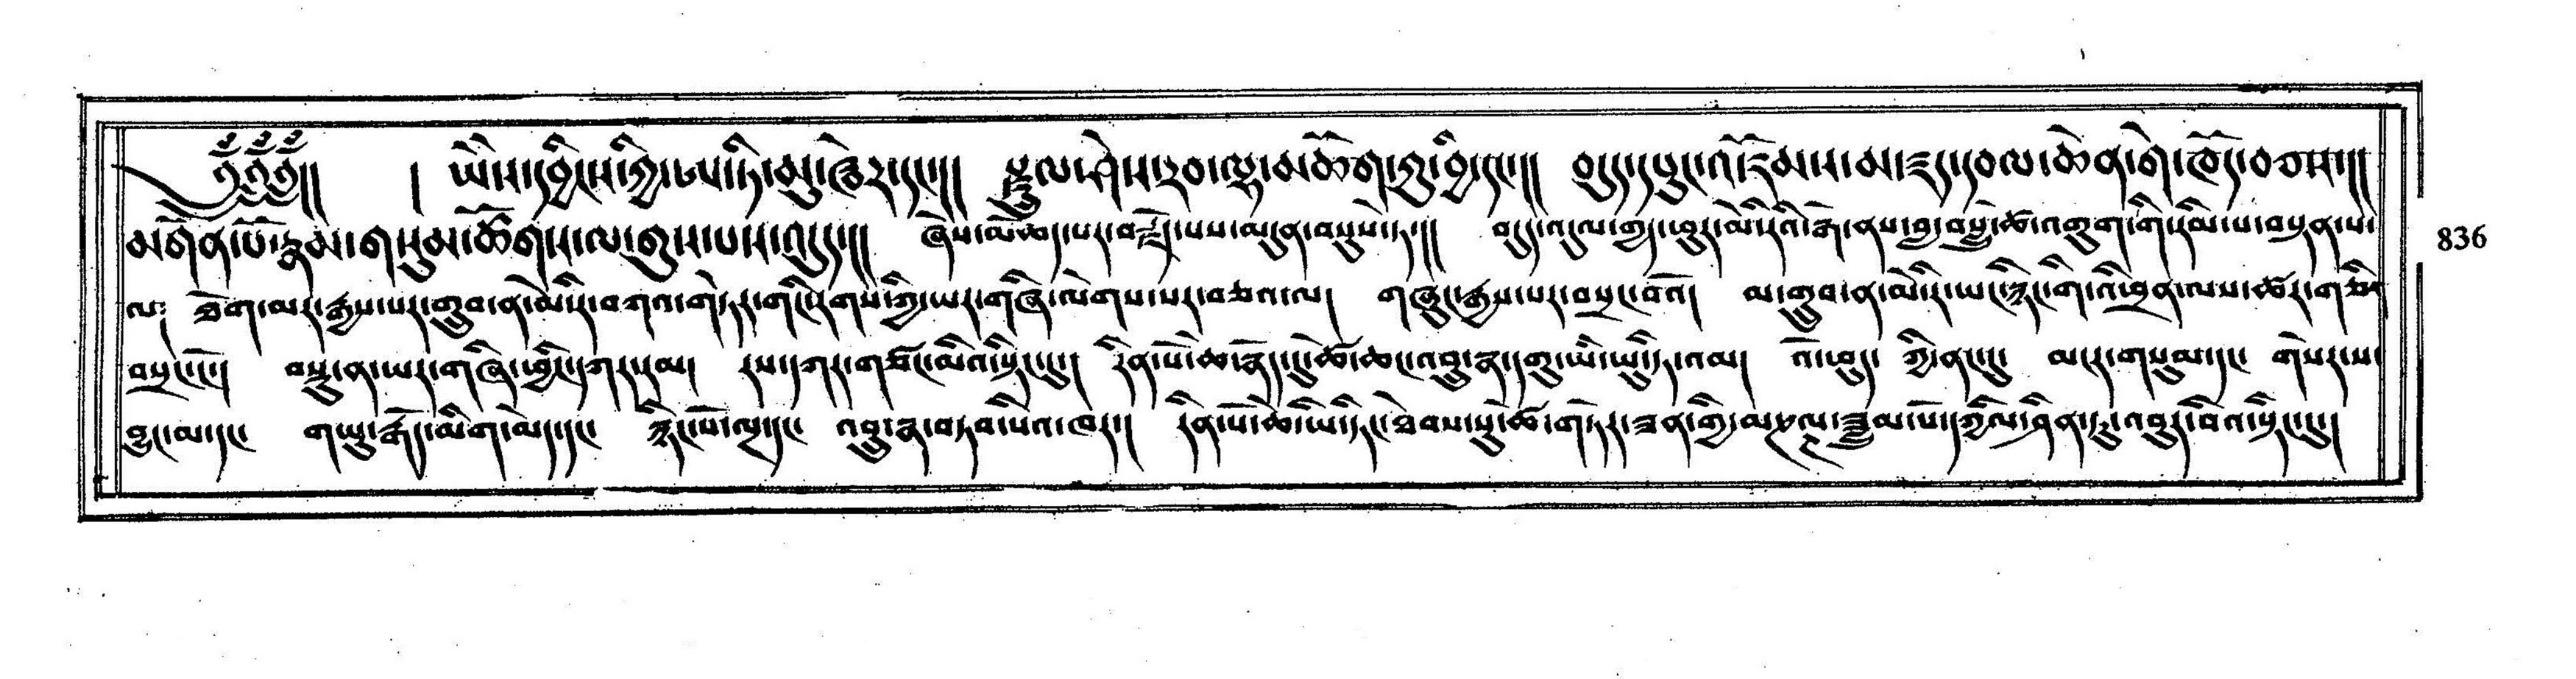༄༅༅།། །ཡེ་ཤེས་དབྱིངས་ཀྱི་ཨ་ཏི་མུ་ཝེར་དང་།། རྫུ་འཕྲུལ་ཤེས་རབ་ལྷ་མཆོག་ཀུ་བྱི་དང་།། བདུད་དཔུང་འཇོམས་མཛད་དབལ་ཆེན་གེ་ཁོད་བཅས།། 
མགོན་པོ་རྣམ་གསུམ་ཚོགས་ལ་གུས་པས་འདུད།། ཞེས་མཆོད་པར་བརྗོད་པས་མདུན་བསུས་ཏེ།། བདུད་འདུལ་གྱད་ཕུར་མེ་རིའི་སྒོ་ནས་བླ་བསླུ་ཚེ་འགུག་གི་རིམ་པ་བསྟན་པ་
ལ། ཐོག་མར་རྒྱས་པར་གྲུབ་ན་མེ་རི་བཀའ་གཏེར་གང་རིགས་ཀྱི་ཡར་གཞི་ལེགས་པར་བཅའ་ལ། གཞུང་རྒྱས་པར་བསྲང་བའོ། མ་གྲུབ་ན་མེ་རི་ཡང་སྙིང་གི་འཕྲིན་ལས་ཚར་གཅིག་
བསྲང་ངོ་། བསྡུ་ན་ཡར་གཞི་ཕྱིང་དཀར་རམ། རས་དཀར་གཙང་མའི་སྟེང་དུ། རིན་པོ་ཆེའི་སྣོད་དུ་ཚེ་ཆང་འབྲུ་སྣ་དགུ་ཡི་ཡུ་ཏི་འམ། འོ་ཕུད་ཀྱི་ནང་དུ་མངར་གསུམ་དང་གསེར་ས་
བྱུང་མ་དང་གཡུ་རྒོད་མིག་མེད་དང་སྙིང་པོ་ལྔ་དང་འབྲུ་སྣ་བཏབ་པའི་ཁར། རིན་པོ་ཆེ་ཡི་ཏིང་ཐེབས་སུ་ཚེ་གཏེར་ཟན་གྱི་མཎྜལ་ཟླུམ་པོ་དཀྱིལ་ཤིན་ཏུ་འབུར་བའི་སྟེང་དུ།